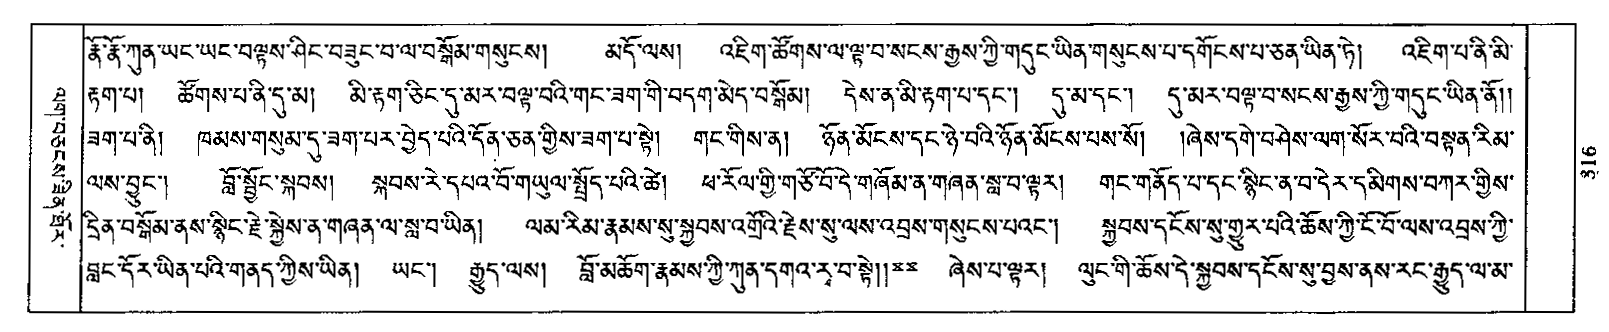རྣོ་རྣོ་ཀུན་ཡང་ཡང་བལྟས་ཤིང་བཟུང་བ་ལ་བསྒོམ་གསུངས། མདོ་ལས། འཇིག་ཚོགས་ལ་ལྟ་བ་སངས་རྒྱས་ཀྱི་གདུང་ཡིན་གསུངས་པ་དགོངས་པ་ཅན་ཡིན་ཏེ། འཇིག་པ་ནི་མི་
རྟག་པ། ཚོགས་པ་ནི་དུ་མ། མི་རྟག་ཅིང་དུ་མར་བལྟ་བའི་གང་ཟག་གི་བདག་མེད་བསྒོམ། དེས་ན་མི་རྟག་པ་དང་། དུ་མ་དང་། དུ་མར་བལྟ་བ་སངས་རྒྱས་ཀྱི་གདུང་ཡིན་ནོ། །
ཟག་པ་ནི། ཁམས་གསུམ་དུ་ཟག་པར་བྱེད་པའི་དོན་ཅན་གྱིས་ཟག་པ་སྟེ། གང་གིས་ན། ཉོན་མོངས་དང་ཉེ་བའི་ཉོན་མོངས་པས་སོ། །ཞེས་དགེ་བཤེས་ལག་སོར་བའི་བསྟན་རིམ་
ལས་བྱུང་། བློ་སྦྱོང་སྐབས། སྐབས་རེ་དཔའ་བོ་གཡུལ་སྤྲོད་པའི་ཚེ། ཕ་རོལ་གྱི་གཙོ་བོ་དེ་གཞོམ་ན་གཞན་སླ་བ་ལྟར། གང་གནོད་པ་དང་སྙིང་ན་བ་དེར་དམིགས་བཀར་གྱིས་
དྲིན་བསྒོམ་ནས་སྙིང་རྗེ་སྐྱེས་ན་གཞན་ལ་སླ་བ་ཡིན། ལམ་རིམ་རྣམས་སུ་སྐྱབས་འགྲོའི་རྗེས་སུ་ལས་འབྲས་གསུངས་པའང་། སྐྱབས་དངོས་སུ་གྱུར་པའི་ཆོས་ཀྱི་ངོ་བོ་ལས་འབྲས་ཀྱི་
བླང་དོར་ཡིན་པའི་གནད་ཀྱིས་ཡིན། ཡང་། རྒྱུད་ལས། བློ་མཆོག་རྣམས་ཀྱི་ཀུན་དགའ་རྭ་བ་སྟེ། ། ྾་྾་ཞེས་པ་ལྟར། ལུང་གི་ཆོས་དེ་སྐྱབས་དངོས་སུ་བྱས་ནས་རང་རྒྱུད་ལ་མ་